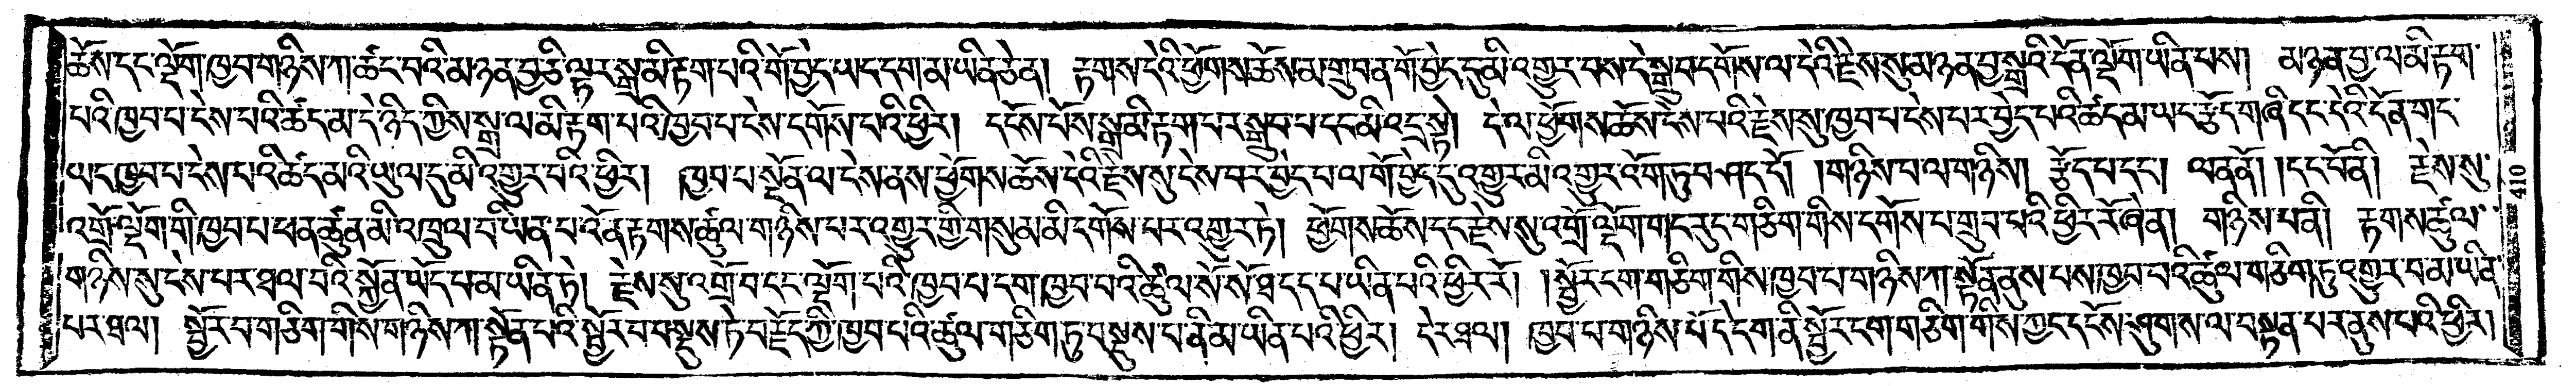ཆོས་དང་ལྡོག་ཁྱབ་གཉིས་ཀ་ཚང་བའི་མཉན་བྱ་ཅི་ལྟར་སྒྲ་མི་རྟག་པའི་གོ་བྱེད་ཡང་དག་མ་ཡིན་ཅེ་ན། རྟགས་དེའི་ཕྱོགས་ཆོས་མ་གྲུབ་ན་གོ་བྱེད་དུ་མི་འགྱུར་བས་དེ་སྒྲུབ་དགོས་ལ་དེའི་རྗེས་སུ་མཉན་བྱ་སྒྲའི་དོན་ལྡོག་ཡིན་པས། མཉན་བྱ་ལ་མི་རྟག་
པའི་ཁྱབ་པ་ངེས་པའི་ཚད་མ་དེ་ཉིད་ཀྱིས་སྒྲ་ལ་མི་རྟག་པའི་ཁྱབ་པ་ངེས་དགོས་པའི་ཕྱིར། དངོས་པོས་སྒྲ་མི་རྟག་པར་སྒྲུབ་པ་དང་མི་འདྲ་སྟེ། དེ་ལ་ཕྱོགས་ཆོས་ངེས་པའི་རྗེས་སུ་ཁྱབ་པ་ངེས་པར་བྱེད་པའི་ཚད་མ་ཡང་རྩོད་གཞི་དང་དེའི་དོན་གང་
ཡང་ཁྱབ་པ་ངེས་པའི་ཚད་མའི་ཡུལ་དུ་མི་འགྱུར་བའི་ཕྱིར། ཁྱབ་པ་སྔོན་ལ་ངེས་ནས་ཕྱོགས་ཆོས་དེའི་རྗེས་སུ་ངེས་པར་བྱེད་པ་ལ་གོ་བྱེད་དུ་འགྱུར་མི་འགྱུར་འོག་ཏུ་བཤད་དོ། །གཉིས་པ་ལ་གཉིས། རྩོད་པ་དང་། ལན་ནོ། །དང་པོ་ནི། རྗེས་སུ་
འགྲོ་ལྡོག་གི་ཁྱབ་པ་ཕན་ཚུན་མི་འཁྲུལ་བ་ཡིན་པ་འོ་ན་རྟགས་ཚུལ་གཉིས་པར་འགྱུར་གྱི་གསུམ་མི་དགོས་པར་འགྱུར་ཏེ། ཕྱོགས་ཆོས་དང་རྗེས་སུ་འགྲོ་ལྡོག་གང་རུང་གཅིག་གིས་དགོས་པ་གྲུབ་པའི་ཕྱིར་རོ་ཞེ་ན། གཉིས་པ་ནི། རྟགས་ཚུལ་
གཉིས་སུ་ངེས་པར་ཐལ་བའི་སྐྱོན་ཡོད་པ་མ་ཡིན་ཏེ། རྗེས་སུ་འགྲོ་བ་དང་ལྡོག་པའི་ཁྱབ་པ་དག་ཁྱབ་པའི་ཚུལ་སོ་སོ་ཐ་དད་པ་ཡིན་པའི་ཕྱིར་རོ། །སྦྱོར་ངག་གཅིག་གིས་ཁྱབ་པ་གཉིས་ཀ་སྟོན་ནུས་པས་ཁྱབ་པའི་ཚུལ་གཅིག་ཏུ་འགྱུར་བ་མ་ཡིན་
པར་ཐལ། སྦྱོར་བ་གཅིག་གིས་གཉིས་ཀ་སྟོན་པའི་སྦྱོར་བ་བསྡུས་ཏེ་བརྗོད་ཀྱི་ཁྱབ་པའི་ཚུལ་གཅིག་ཏུ་བསྡུས་པ་ནི་མ་ཡིན་པའི་ཕྱིར། དེར་ཐལ། ཁྱབ་པ་གཉིས་པོ་དེ་དག་ནི་སྦྱོར་ངག་གཅིག་གིས་ཀྱང་དངོས་ཤུགས་ལ་བསྟན་པར་ནུས་པའི་ཕྱིར།